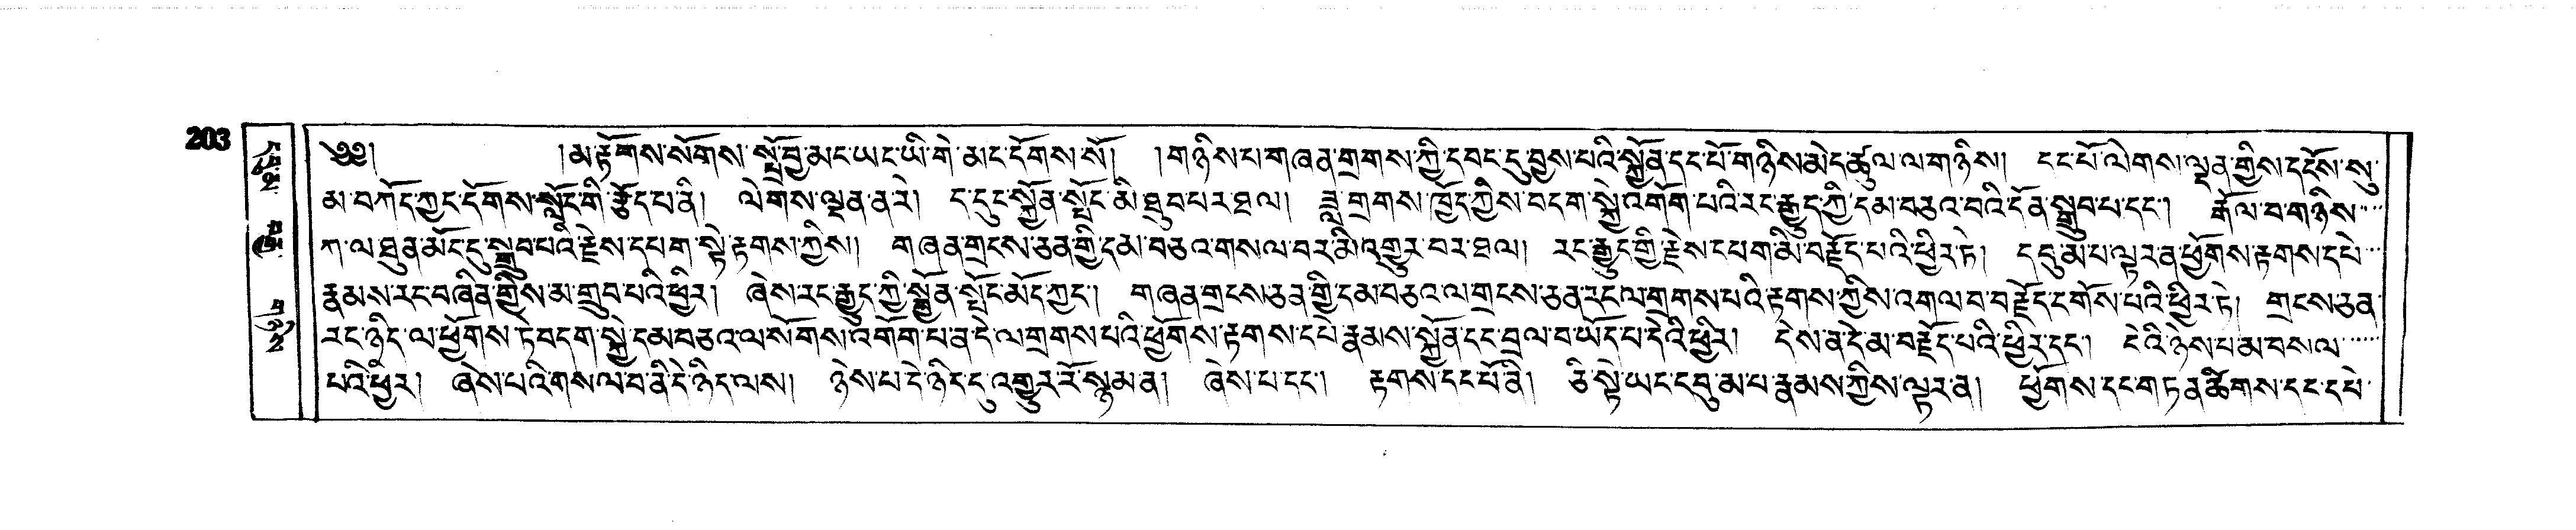༄༅། །མ་རྟོགས་སོགས་སྤྲོ་བྱ་མང་ཡང་ཡི་གེ་མང་དོགས་སོ། །གཉིས་པ་གཞན་གྲགས་ཀྱི་དབང་དུ་བྱས་པའི་སྐྱོན་དང་པོ་གཉིས་མེད་ཚུལ་ལ་གཉིས། དང་པོ་ལེགས་ལྡན་གྱིས་དངོས་སུ་
མ་བཀོད་ཀྱང་དོགས་སློང་གི་རྩོད་པ་ནི། ལེགས་ལྡན་ན་རེ། ད་དུང་སྐྱོན་སྤོང་མི་ཐུབ་པར་ཐལ། ཟླ་གྲགས་ཁྱོད་ཀྱིས་བདག་སྐྱེ་འགོག་པའི་རང་རྒྱུད་ཀྱི་དམ་བཅའ་བའི་དོན་སྒྲུབ་པ་དང་། རྒོལ་བ་གཉིས་
ཀ་ལ་ཐུན་མོང་དུ་སྒྲུབ་པའི་རྗེས་དཔག་སྟེ་རྟགས་ཀྱིས། གཞན་གྲངས་ཅན་གྱི་དམ་བཅའ་གསལ་བར་མི་འགྱུར་བར་ཐལ། རང་རྒྱུད་ཀྱི་རྗེས་དཔག་མི་བརྗོད་པའི་ཕྱིར་ཏེ། དབུ་མ་པ་ལྟར་ན་ཕྱོགས་རྟགས་དཔེ་
རྣམས་རང་བཞིན་གྱིས་མ་གྲུབ་པའི་ཕྱིར། ཞེས་རང་རྒྱུད་ཀྱི་སྐྱོན་སྤོང་མོད་ཀྱང་། གཞན་གྲངས་ཅན་གྱི་དམ་བཅའ་ལ་གྲངས་ཅན་རང་ལ་གྲགས་པའི་རྟགས་ཀྱིས་འགལ་བ་བརྗོད་དགོས་པའི་ཕྱིར་ཏེ། གྲངས་ཅན་
རང་ཉིད་ལ་ཕྱོགས་ཏེ་བདག་སྐྱེ་དམ་བཅའ་ལ་སོགས་འགོག་པ་ན་དེ་ལ་གྲགས་པའི་ཕྱོགས་རྟགས་དཔེ་རྣམས་སྐྱོན་དང་བྲལ་བ་ཡོད་པ་དེའི་ཕྱིར། དེས་ན་དེ་མ་བརྗོད་པའི་ཕྱིར་དང་། དེའི་ཉེས་པ་མ་བསལ་
པའི་ཕྱིར། ཞེས་པའི་གསལ་བ་ནི་དེ་ཉིད་ལས། ཉེས་པ་དེ་ཉིད་དུ་འགྱུར་རོ་སྙམ་ན། ཞེས་པ་དང་། རྟགས་དང་པོ་ནི། ཅི་སྟེ་ཡང་དབུ་མ་པ་རྣམས་ཀྱིས་ལྟར་ན། ཕྱོགས་དང་གཏན་ཚིགས་དང་དཔེ་